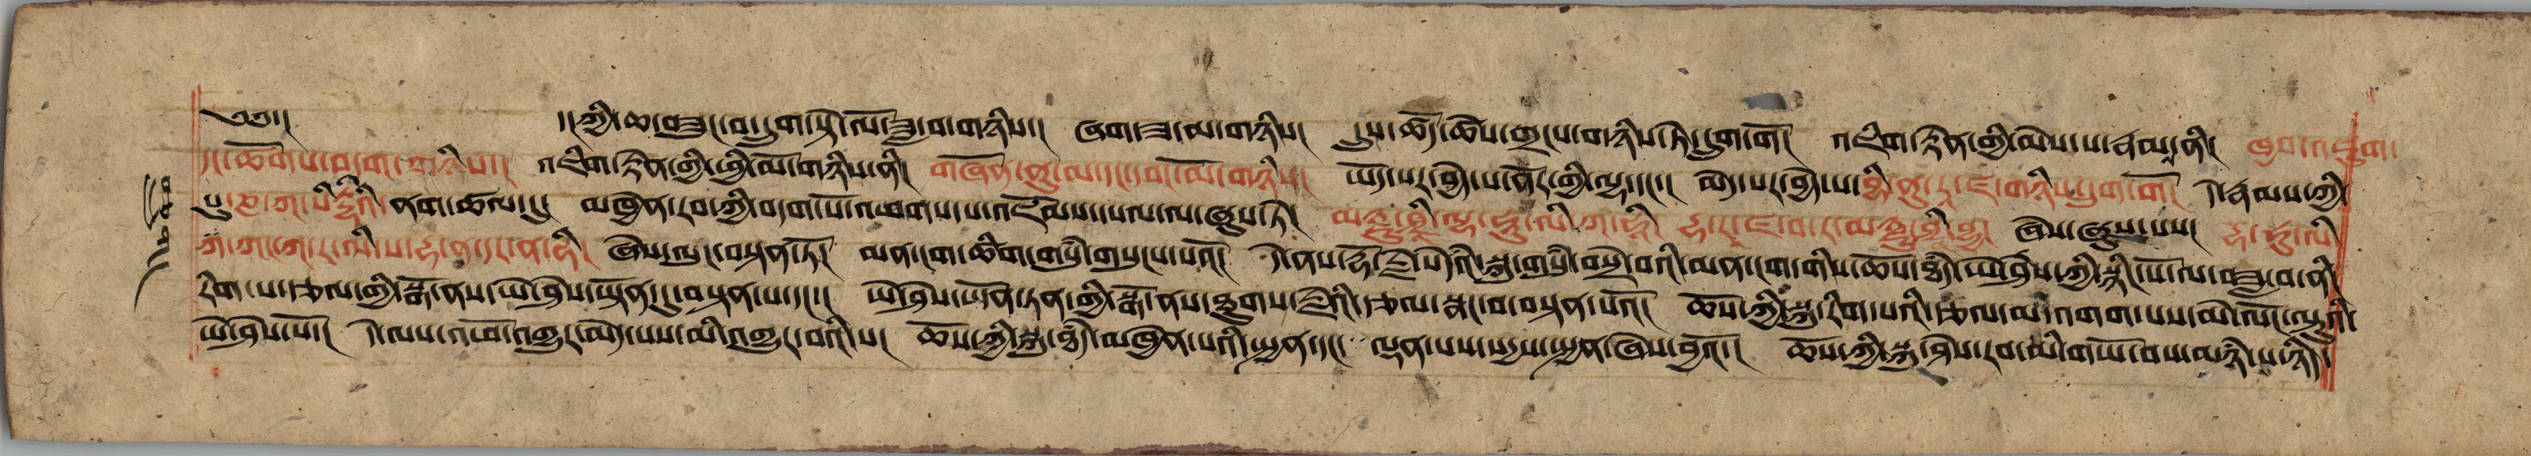༄༅་། ་།ཀྱི་ཆ་བཟུང་བ་དྲུག་སྟེ་ལོ་ཟླ་བ་གཉིས་། ཞག་ཟ་མ་གཉིས། དུས་ཚོད་ཚེས་གྲངས་གཉིས་ཏེ་དྲུག་གོ། འཇིག་རྟེན་གྱི་མེས་པ་རྣམ་ནི། ཁྱབ་འཇུག་
དང་ཚོགས་བདག་གཉིས་། འཇིག་རྟེན་གྱི་ཕྱི་མོ་གཉིས་ནི། གཞོན་ནུ་མ་དང་དབང་མོ་གཉིས། ཡོད་པར་བྱེད་པ་ནོར་གྱི་ལྷ་དང་། མེད་པར་བྱེད་པ་བྷི་ནུ་རཱ་ཛ་གཉིས་དྲུག་གོ། དེ་རྣམས་ཀྱི་
པུ་ཎ་ག་སིདྡྷིའི་ནག་ཚལ་དུ། མཁྱེན་རབ་ཀྱི་བདག་པོ་འཕགས་པ་འཇོམས་དཔལ་ལ་ཞུས་ཏེ། མཉྫུ་ཤྲཱཱི་ལྷ་ཧཱུ་ལི་ཀ་ཧཱི། དྷ་རཱ་ཛ་བ་ར་མཉྫུ་ཤྲཱཱི་བྷྱ། ཞེས་ཞུས་མ། དྷ་ཧུ་ལི་
ཀ་ཀང་ཀ་ར་ལི་ས་དྷ་ན་དང་ན་དྷི། ཞེས་ལུང་བསྟན་ཏོ། མན་ངག་ཚིག་གསུཾ་གསུངས་པའོ། དེ་ནས་རྡོ་རྗེ་སེཾདའ་སྐུ་གསུཾ་བསྲེ་བའི་མན་ངག་གིས་ཆོས་ཐཾད་ཡེ་ཤེས་ཀྱི་སྙིང་པོ་ལ་བཟླ་བ་ནི་
རིག་པ་རྩལ་གྱི་སྒོ་ནས་ཡེ་ཤེས་ཡྟོན་དུ་བསྟན་པ་དང་། ཡེ་ཤེས་ཡོན་ཏན་གྱི་སྒོ་ནས་ཐུགས་རྗེའི་རྩལ་སྣང་བ་བསྟན་པའོ། ཆོས་ཀྱི་སྐུ་རིག་པའི་རྩལ་མ་འགག་པས་མེ་ལོང་ལྟུ་
ཡེ་ཤེས་སོ་། དེ་ལས་འཕོ་འགྱུར་མེད་པས་མི་འགྱུར་བའི་ས། ཆོས་ཀྱི་སྐུ་ཐཾད་མཁྱེན་པའི་སྤྱན་དང་ ལྡན་པས་སདྱས་སྤྱན་ཞེས་བྱའོ་། ཆོས་ཀྱི་སྐུ་ཤེས་རབ་མི་གཡོ་བས་མཉཾ་པ་ཉིད་